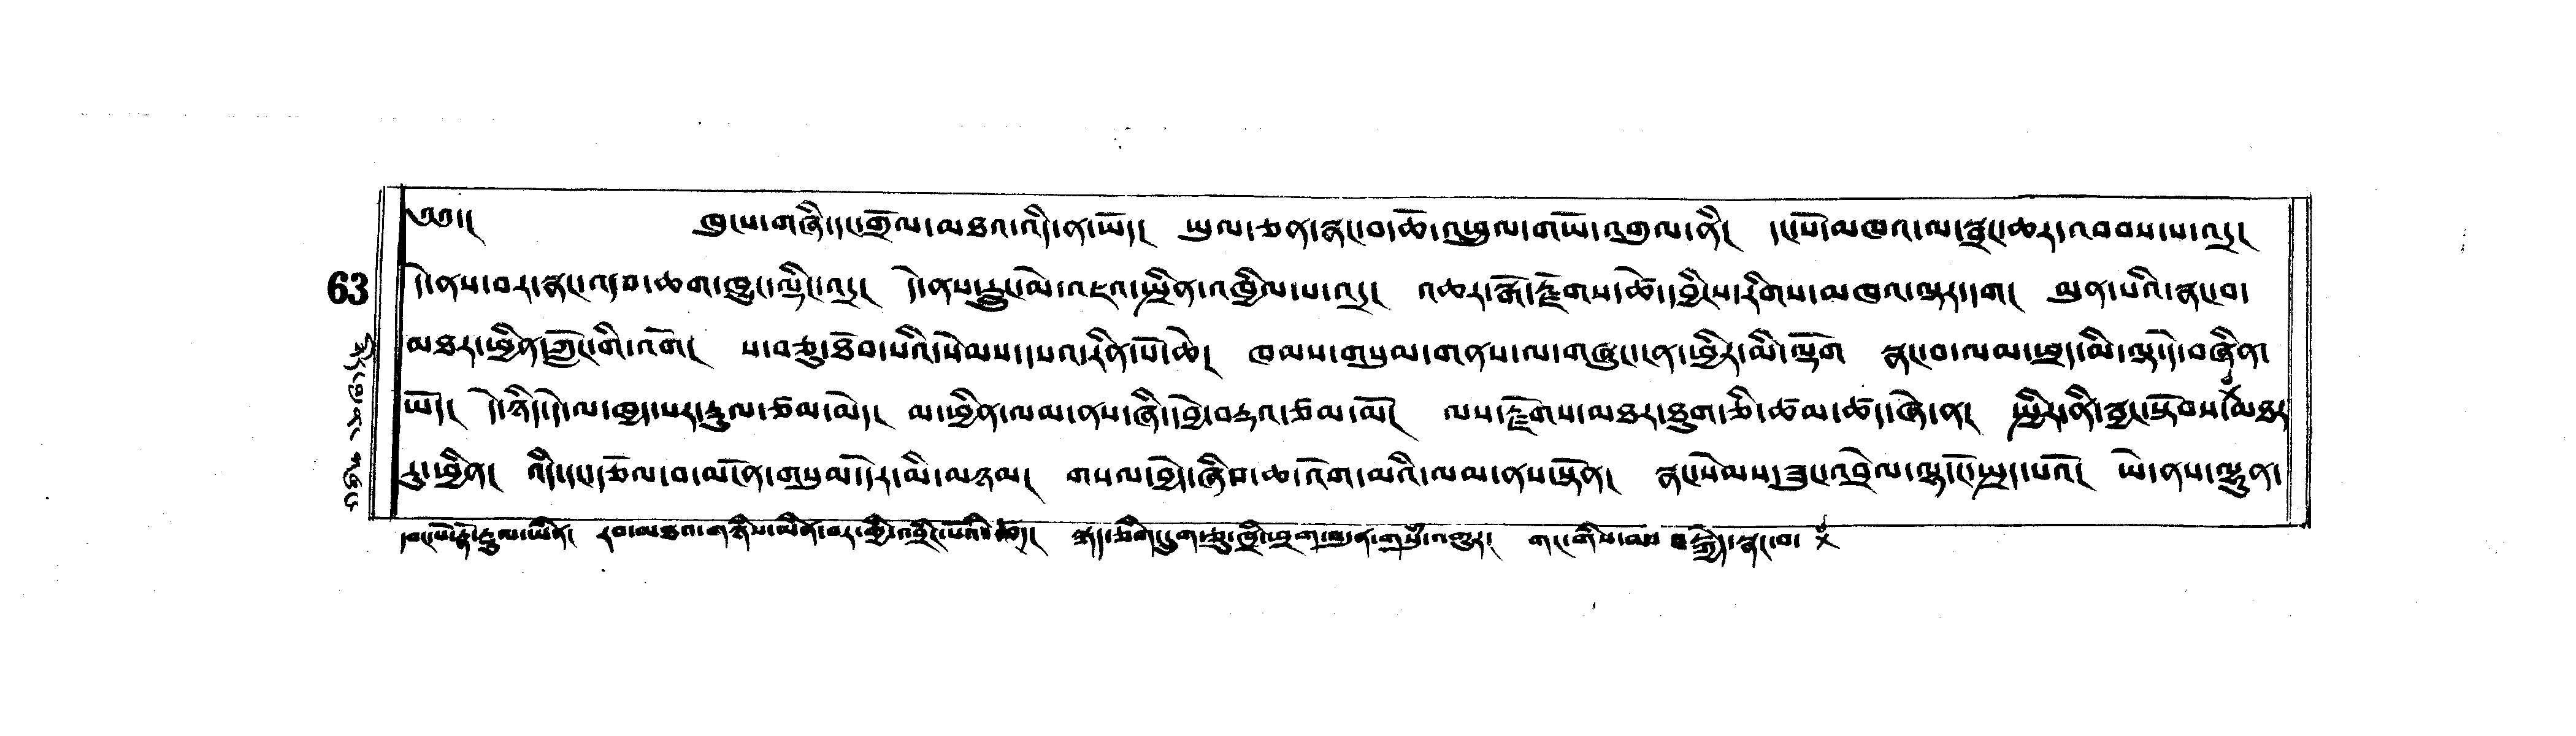ཁུངས་གཞི་དང་གྲོལ་མཐའ་འདི་ན་ཡོད། ཡུལ་ཅན་སྣང་བ་ཆོ་འཕྲུལ་གཡོ་འགུལ་ནི། ཡུལ་ཅན་སྣང་བ་ཆོ་འཕྲུལ་གཡོ་འགུལ་ནི། དང་པོ་མཁའ་ལ་སྦྲང་ཆར་འབབས་པ་འདྲ། 
དེ་ནས་བར་སྣང་འདབ་ཆགས་ཁྱུང་ལྡིང་འདྲ། དེ་ནས་རླུང་མེ་འཇའ་སྤྲིན་འཁྱིལ་པ་འདྲ། འཆར་སྒོ་རྫོགས་ཚེ་དབྱིངས་རིག་མཁའ་ལྟར་དག། མུན་པའི་སྣང་བ་
མཐར་ཕྱིན་ཀློང་གི་འོག ས་བཅུ་ཐོབ་པའི་སེམས་དཔའ་རིན་པོ་ཆེ། ཁམས་གསུམ་གནས་ལ་གཞུང་ངན་ཕྱིར་མི་ལྡོག སྣང་བ་ལམ་ཕྲད་མི་ལྟ་དེ་བཞིན་
ཡོད། དེ་ཉིད་དེ་ལ་ཁྱད་པར་རྡུལ་ཙམ་མེད། མ་ཕྱིན་ལམ་ནས་ཞི་དབྱེ་བརྡ་ཙམ་མོ། ལས་རྫོགས་མཐར་ཐུག་ཅི་ཙམ་ཚད་ཞེ་ན། སྤྱིར་ནི་སྦྱངས་སྟོབས་དབང་
པོ་རྣོ་རྟུལ་ཡིན། རབ་མཐའ་གཉིས་མིན་བར་གྱི་འབྲིང་པོའི་ཚད། སྐད་ཅིག་དྲུག་ཅུ་ཁྲི་ཕྲག་བདུན་གསུམ་འགྱུར། གང་གིས་མ་བསྐྱེད་སྣང་བ་མཐའ་རུ་ཕྱིན། འདི་དང་རྩོལ་བ་མངོན་སུམ་དོར་མི་མཉམ། གསལ་བྱེད་ཞིབ་ཆ་འོག་མའི་ལམ་ནས་སྟོན། སྣང་སེམས་ཟང་འབྲེལ་ལྷ་ངོ་སྤྲད་པའོ། །ཡེ་ནས་ལྷུན་